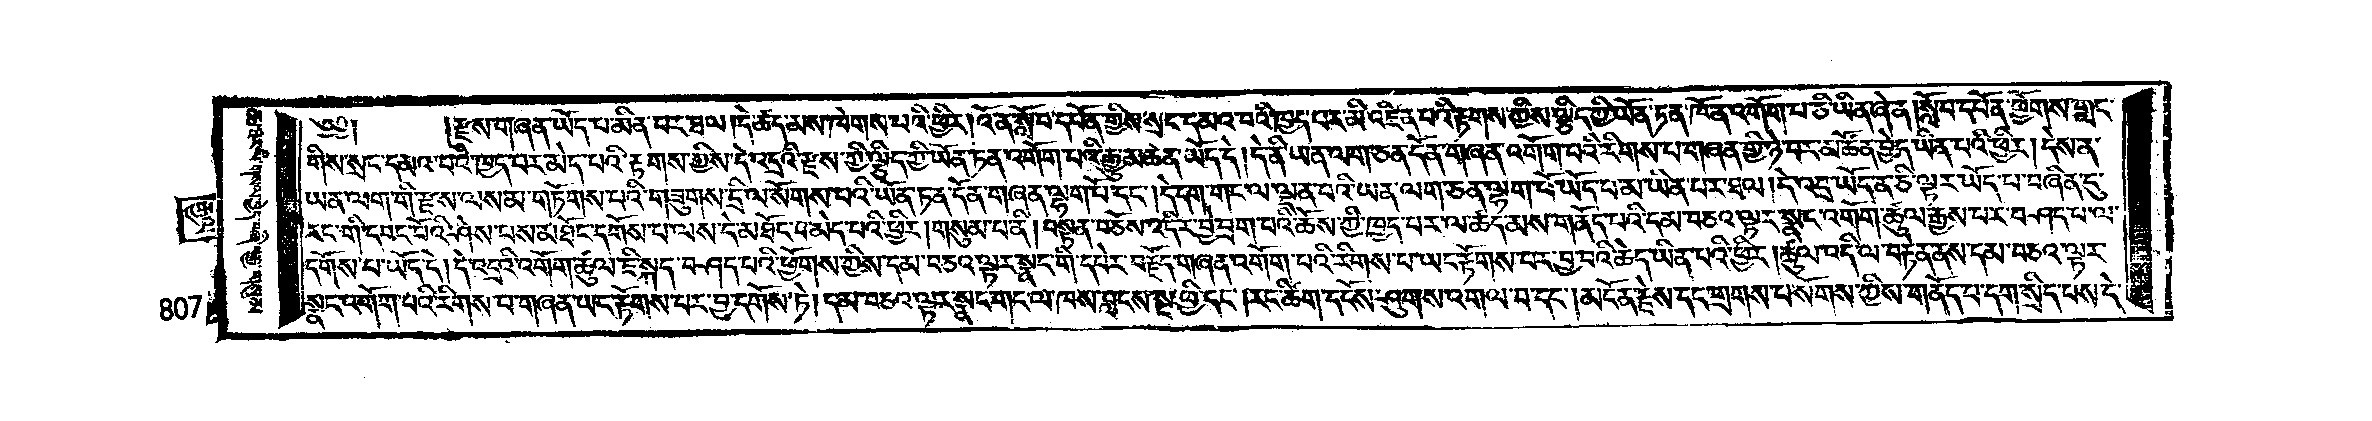༄༅། །རྫས་གཞན་ཡོད་པ་མིན་པར་ཐལ། དེ་ཚད་མས་ཁེགས་པའི་ཕྱིར། འོ་ན་སློབ་དཔོན་གྱིས་སྲང་དམའ་བའི་ཁྱད་པར་མི་འཛིན་པའི་རྟགས་ཀྱིས་ལྕིད་ཀྱི་ཡོན་ཏན་ཁོ་ན་འགོག་པ་ཅི་ཡིན་ཞེ་ན། སློབ་དཔོན་ཕྱོགས་གླང་
གིས་སྲང་དམའ་བའི་ཁྱད་པར་མེད་པའི་རྟགས་གྱིས་དེ་འདྲའི་རྫས་ཀྱི་ལྕིད་ཀྱི་ཡོན་ཏན་འགོག་པའི་རྒྱུ་མཚན་ཡོད་དེ། དེ་ནི་ཡན་ལག་ཅན་དོན་གཞན་འགོག་པའི་རིགས་པ་གཞན་གྱི་ཉེ་བར་མཚོན་བྱེད་ཡིན་པའི་ཕྱིར། དེས་ན་
ཡན་ལག་གི་རྫས་ལས་མ་གཏོགས་པའི་གཟུགས་དྲི་ལ་སོགས་པའི་ཡོན་ཏན་དོན་གཞན་ལྷག་པོ་དང་། དེ་དག་གང་ལ་ལྡན་པའི་ཡན་ལག་ཅན་ལྷག་པོ་ཡོད་པ་མ་ཡིན་པར་ཐལ། དེ་འདྲ་ཡོད་ན་ཅི་ལྟར་ཡོད་པ་བཞིན་དུ་
རང་གི་དབང་པོའི་ཤེས་པས་མཐོང་དགོས་པ་ལས་དེ་མཐོང་བ་མེད་པའི་ཕྱིར། གསུམ་པ་ནི། བསྟན་བཅོས་འདིར་བྱེ་བྲག་པའི་ཆོས་ཀྱི་ཁྱད་པར་ལ་ཚད་མས་གནོད་པའི་དམ་བཅའ་ལྟར་སྣང་འགོག་ཚུལ་རྒྱས་པར་བཤད་པ་ལ་
དགོས་པ་ཡོད་དེ། དེ་འདྲའི་འགོག་ཚུལ་ཇི་སྐད་བཤད་པའི་ཕྱོགས་ཀྱིས་དམ་བཅའ་ལྟར་སྣང་གི་དཔེར་བརྗོད་གཞན་འགོག་པའི་རིགས་པ་ཡང་རྟོགས་པར་བྱ་བའི་ཆེད་ཡིན་པའི་ཕྱིར། ཚུལ་འདི་ལ་བརྟེན་ནས་དམ་བཅའ་ལྟར་
སྣང་འགོག་པའི་རིགས་པ་གཞན་ཡང་རྟོགས་པར་བྱ་དགོས་ཏེ། དམ་བཅའ་ལྟར་སྣང་གང་ལ་ཁས་བླངས་སྔ་ཕྱི་དང་། རང་ཚིག་དངོས་ཤུགས་འགལ་བ་དང་། མངོན་རྗེས་དང་གྲགས་པ་སོགས་ཀྱིས་གནོད་པ་དག་སྲིད་པས་དེ་